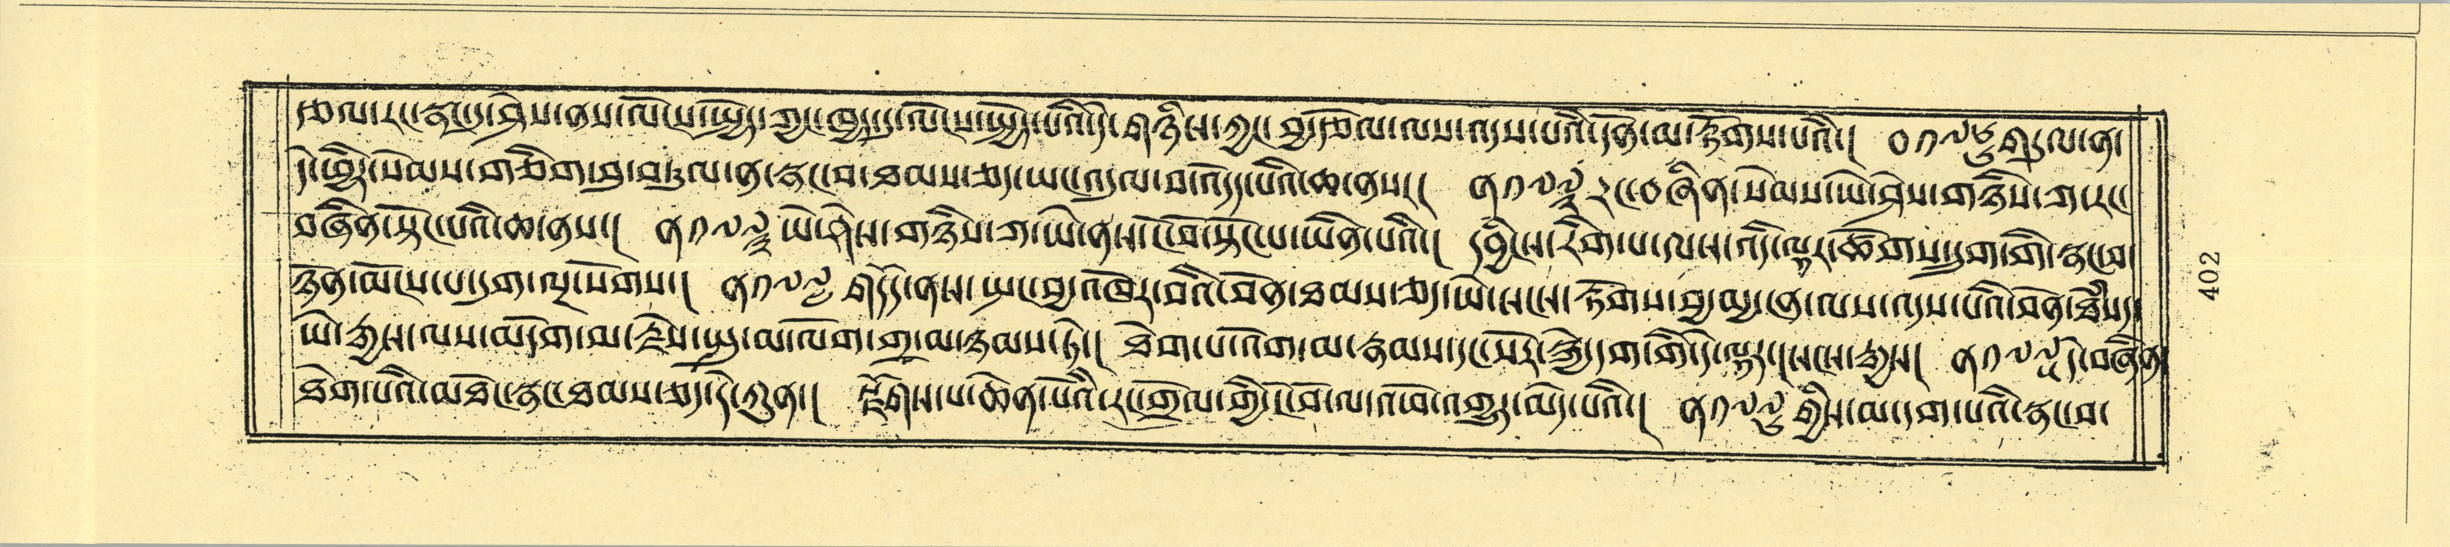རྩལ་རང་སྣང་དུ་ཤེས་ནས་ལོངས་སྤྱོད་ཀྱང་ཁྱད་དུ་ལོངས་སྤྱོད་པའི་དེ་༼གཉིས་ཀྱང་༽བྱ་རྩོལ་ལས་འདས་པའི་དོན་མ་རྟོགས་པའི་ བ༡༧༦།༦༼གདུལ༽ན་
དེ་ཕྱིར་སེམས་གཅིག་པུ་བཏུལ་ན་སྣང་བ་ཐམས་ཅད་ཡང་འདུལ་བ་འདོད་པའི་ཆ་ནས་ ན༡༧༧།༢རང་བཞིན་སེམས་ཡེ་ཤེས་གཉིས་ཀ་རང་
བཞིན་སྟོང་པའི་ཆ་ནས་ ན༧༧།༣ཡེ་ཤེས་གཉིས་ཀ་ཡེ་ནས་ངོ་བོ་སྟོང་པ་ཡིན་པའི་ དབྱིངས་རིག་པ་ལས་འདི་ལྟར་ཚོགས་དྲུག་གི་སྣང་བ་
ཉོན་མོངས་པ་དུག་ལྔ་སོགས་ ན༡༧༧།༤གདོད་ནས་སྤང་བྱ་འཁོར་བའི་བོན་ཐམས་ཅད་ཡེ་སངས་རྟོགས་བྱ་མྱ་ངན་ལས་འདས་པའི་བོན་ཐམས་ཅད་
ཡེ་རྒྱས་ལས་མདོག་མ་རྒྱས་སྤུ་མ་ལོག་གྲ་མ་ཉམས་ཏེ། ཐེག་པ་འོག་མ་རྣམས་དང་སོ་སྐྱེ་དག་གིས་དེ་ལྟར་སངས་རྒྱས་ ན༡༧༧།༥དེ་བཞིན་
ཐེག་པའི་མཐོང་སྣང་ཐམས་ཅད་༼དེ་ཀུན༽༼རྫོགས་པ་ཆེན་པོའི༽རང་གྲོལ་གྱི་ངོ་བོ་ལ་འཕོ་འགྱུར་མེད་པའི་ན༡༧༧།༦གྱིས་མ་དག་པའི་སྣང་བ་